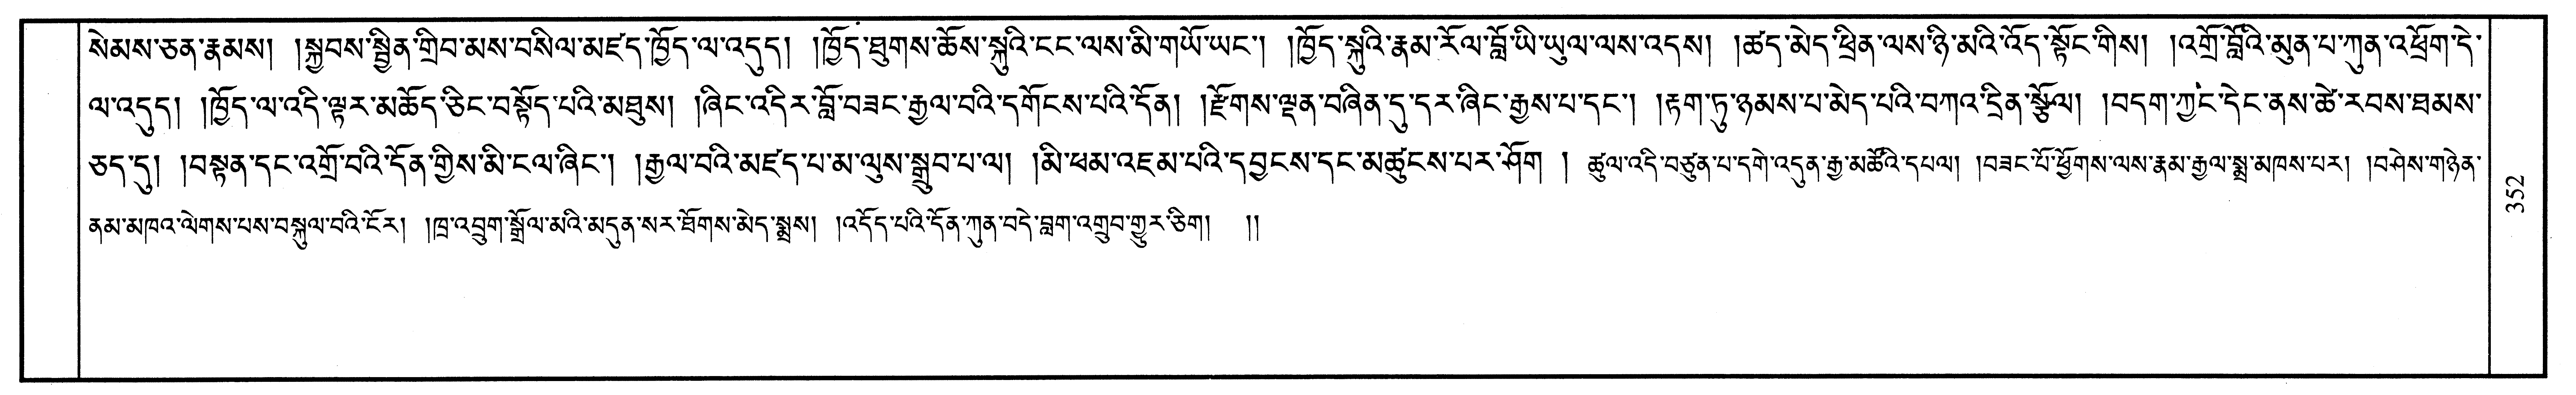སེམས་ཅན་རྣམས། །སྐྱབས་སྦྱིན་གྲིབ་མས་བསིལ་མཛད་ཁྱོད་ལ་འདུད། །ཁྱོད་ཐུགས་ཆོས་སྐུའི་ངང་ལས་མི་གཡོ་ཡང་། །ཁྱོད་སྐུའི་རྣམ་རོལ་བློ་ཡི་ཡུལ་ལས་འདས། །ཚད་མེད་ཕྲིན་ལས་ཉི་མའི་འོད་སྟོང་གིས། །འགྲོ་བློའི་མུན་པ་ཀུན་འཕྲོག་དེ་
ལ་འདུད། །ཁྱོད་ལ་འདི་ལྟར་མཆོད་ཅིང་བསྟོད་པའི་མཐུས། །ཞིང་འདིར་བློ་བཟང་རྒྱལ་བའི་དགོངས་པའི་དོན། །རྫོགས་ལྡན་བཞིན་དུ་དར་ཞིང་རྒྱས་པ་དང་། །རྟག་ཏུ་ཉམས་པ་མེད་པའི་བཀའ་དྲིན་སྩོལ། །བདག་ཀྱང་དེང་ནས་ཚེ་རབས་ཐམས་
ཅད་དུ། །བསྟན་དང་འགྲོ་བའི་དོན་གྱིས་མི་ངལ་ཞིང་། །རྒྱལ་བའི་མཛད་པ་མ་ལུས་སྒྲུབ་པ་ལ། །མི་ཕམ་འཇམ་པའི་དབྱངས་དང་མཚུངས་པར་ཤོག །ཚུལ་འདི་བཙུན་པ་དགེ་འདུན་རྒྱ་མཚོའི་དཔལ། །བཟང་པོ་ཕྱོགས་ལས་རྣམ་རྒྱལ་སྨྲ་མཁས་པར། །བཤེས་གཉེན་
ནམ་མཁའ་ལེགས་པས་བསྐུལ་བའི་ངོར། །ཁྲ་འབྲུག་སྒྲོལ་མའི་མདུན་སར་ཐོགས་མེད་སྨྲས། །འདོད་པའི་དོན་ཀུན་བདེ་བླག་འགྲུབ་གྱུར་ཅིག།། །།